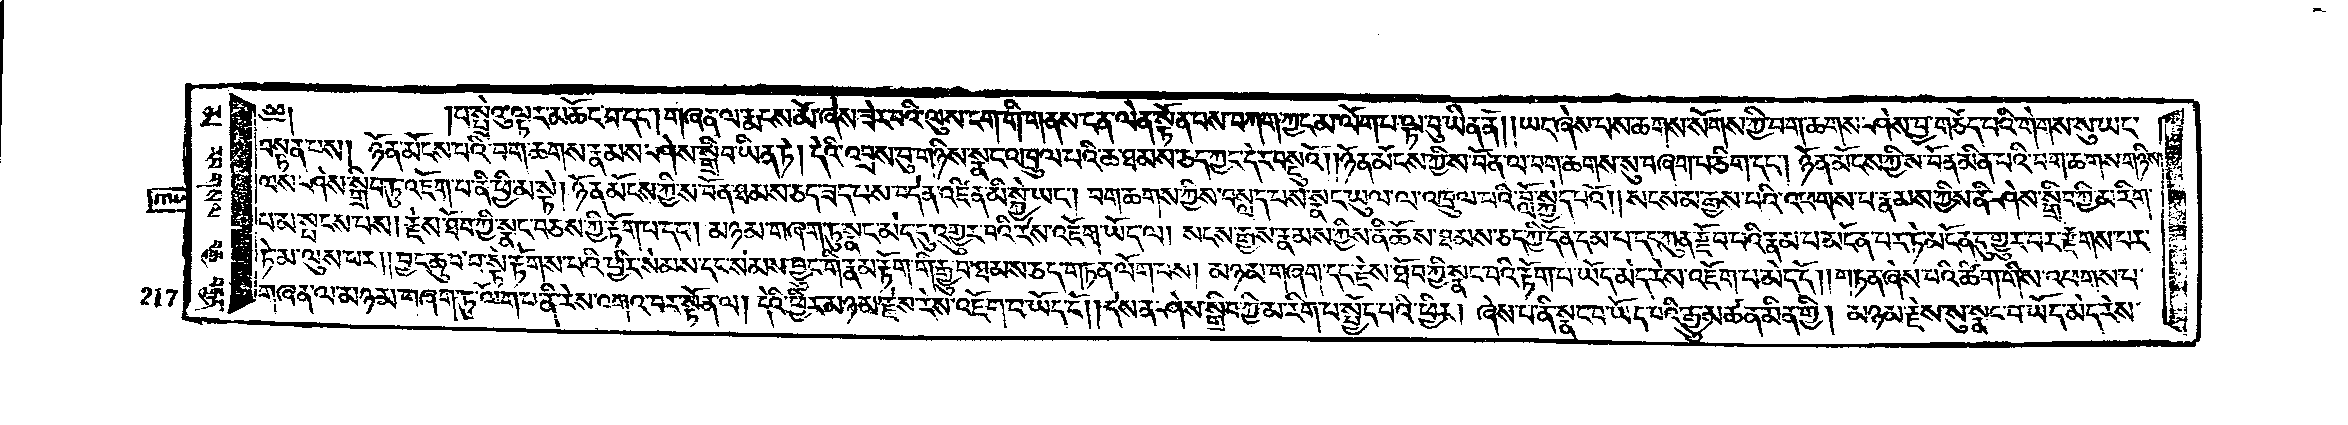༄༅། །པ་སྤྲེའུ་ལྟར་མཆོང་བ་དང་། གཞན་ལ་རྨངས་མོ་ཞེས་ཟེར་བའི་ལུས་ངག་གི་གནས་ངན་ལེན་སྟོན་པས་བཀག་ཀྱང་མ་ལོག་པ་ལྟ་བུ་ཡིན་ནོ། །ཡང་ཞེས་པས་ཆགས་སོགས་ཀྱི་བག་ཆགས་ཤེས་བྱ་གཅོད་པའི་གེགས་སུ་ཡང་
བསྟན་པས། ཉོན་མོངས་པའི་བག་ཆགས་རྣམས་ཤེས་སྒྲིབ་ཡིན་ཏེ། དེའི་འབྲས་བུ་གཉིས་སྣང་འཁྲུལ་པའི་ཆ་ཐམས་ཅད་ཀྱང་དེར་བསྡུའོ། །ཉོན་མོངས་ཀྱི་ས་བོན་ལ་བག་ཆགས་སུ་བཞག་པ་ཅིག་དང་། ཉོན་མོངས་ཀྱི་ས་བོན་མིན་པའི་བག་ཆགས་གཉིས་
ལས་ཤེས་སྒྲིབ་ཏུ་འཇོག་པ་ནི་ཕྱི་མ་སྟེ། ཉོན་མོངས་ཀྱི་ས་བོན་ཐམས་ཅད་ཟད་པས་བདེན་འཛིན་མི་སྐྱེ་ཡང་། བག་ཆགས་ཀྱིས་བསླད་པས་སྣང་ཡུལ་ལ་འཁྲུལ་པའི་བློ་སྐྱེད་པའོ། །སངས་མ་རྒྱས་པའི་འཕགས་པ་རྣམས་ཀྱིས་ནི་ཤེས་སྒྲིབ་ཀྱི་མ་རིག་
པ་མ་སྤངས་པས། རྗེས་ཐོབ་ཀྱི་སྣང་བཅས་ཀྱི་རྟོག་པ་དང་། མཉམ་གཞག་ཏུ་སྣང་མེད་དུ་འགྱུར་བའི་རེས་འཇོག་ཡོད་ལ། སངས་རྒྱས་རྣམས་ཀྱིས་ནི་ཆོས་ཐམས་ཅད་ཀྱི་དོན་དམ་པ་དང་ཀུན་རྫོབ་པའི་རྣམ་པ་མངོན་པར་ཏེ་མངོན་དུ་གྱུར་པར་རྫོགས་པར་
ཏེ་མ་ལུས་པར། །བྱང་ཆུབ་པ་སྟེ་རྟོགས་པའི་ཕྱིར་སེམས་དང་སེམས་བྱུང་གི་རྣམ་རྟོག་གི་རྒྱུ་བ་ཐམས་ཅད་གཏན་ལོག་པས། མཉམ་གཞག་དང་རྗེས་ཐོབ་ཀྱི་སྣང་བའི་རྟོག་པ་ཡོད་མེད་རེས་འཇོག་པ་མེད་དོ། །གཏན་ཞེས་པའི་ཚིག་གིས་འཕགས་པ་
གཞན་ལ་མཉམ་གཞག་ཏུ་ལོག་པ་ནི་རེས་འགའ་བར་སྟོན་ལ། དེའི་ཕྱིར་མཉམ་རྗེས་རེས་འཇོག་པ་ཡོད་དོ། །དེས་ན་ཤེས་སྒྲིབ་ཀྱི་མ་རིག་པ་སྤྱོད་པའི་ཕྱིར། ཞེས་པ་ནི་སྣང་བ་ཡོད་པའི་རྒྱུ་མཚན་མིན་གྱི། མཉམ་རྗེས་སུ་སྣང་བ་ཡོད་མེད་རེས་